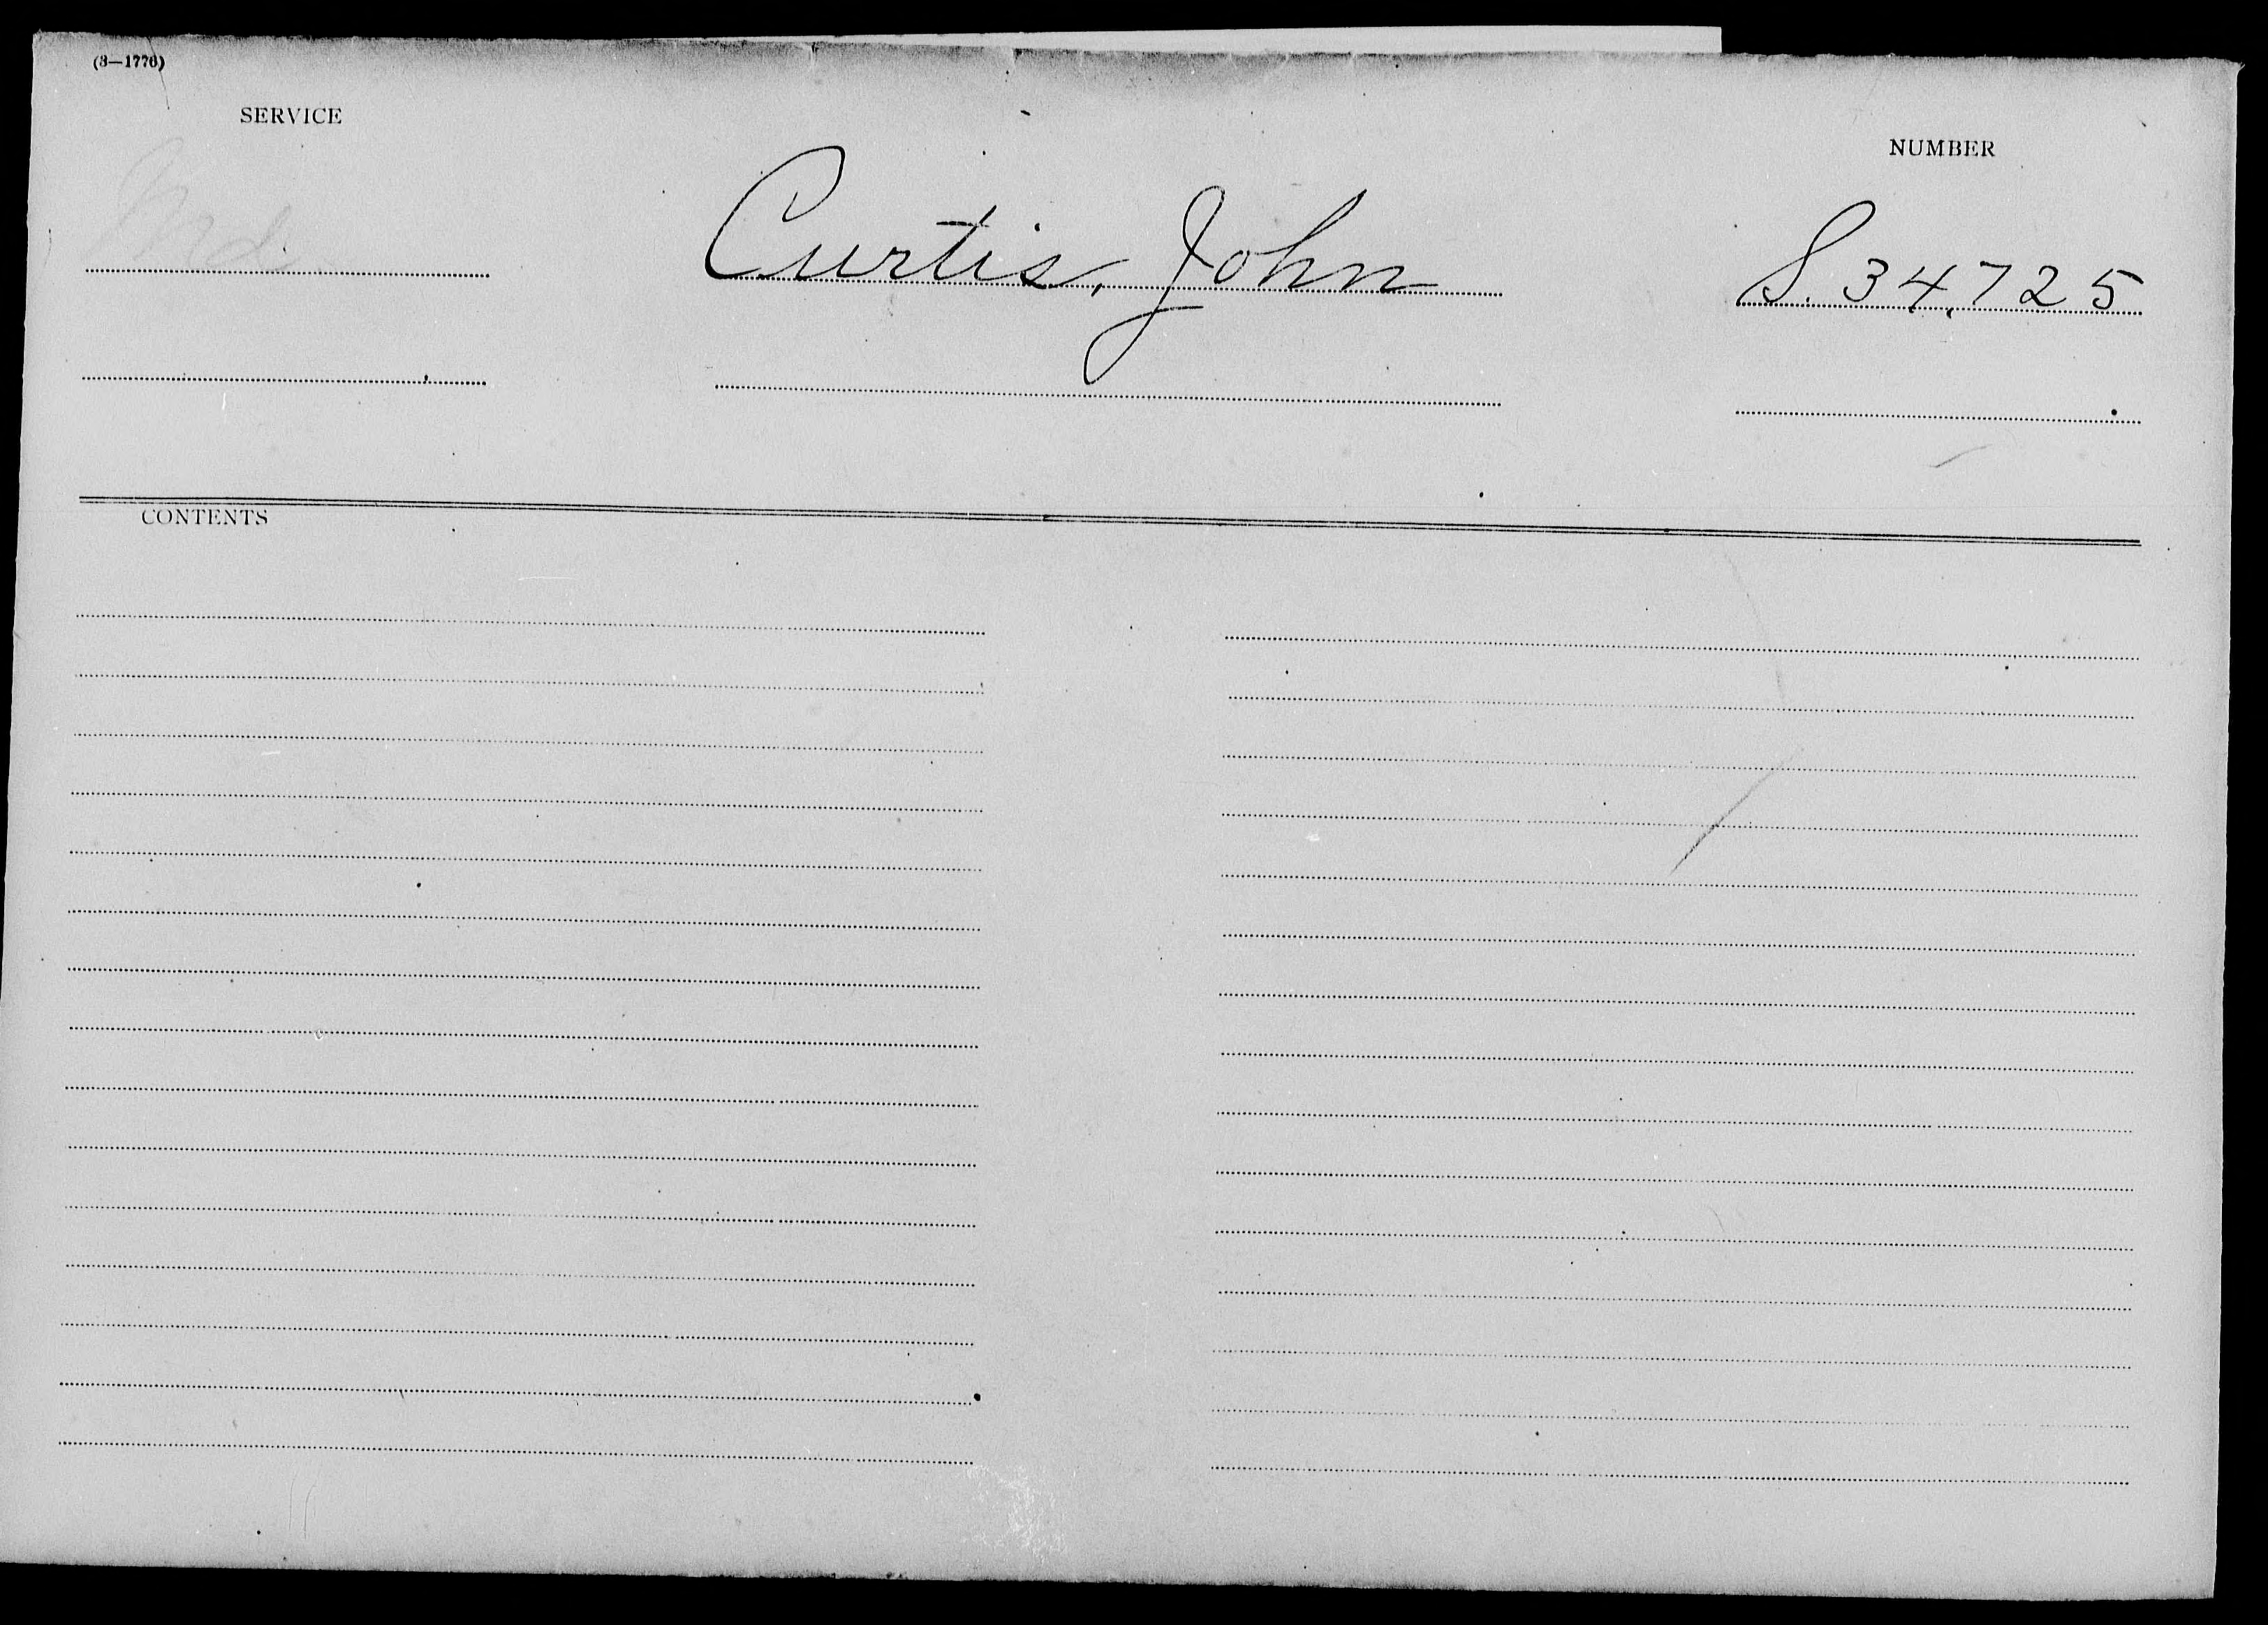(3-1776)
SERVICE
Md
Curtis, John
NUMBER   S.34,725
CONTENTS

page: 1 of 26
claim: survivor's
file: S. 34,725, John Curtis, Md.